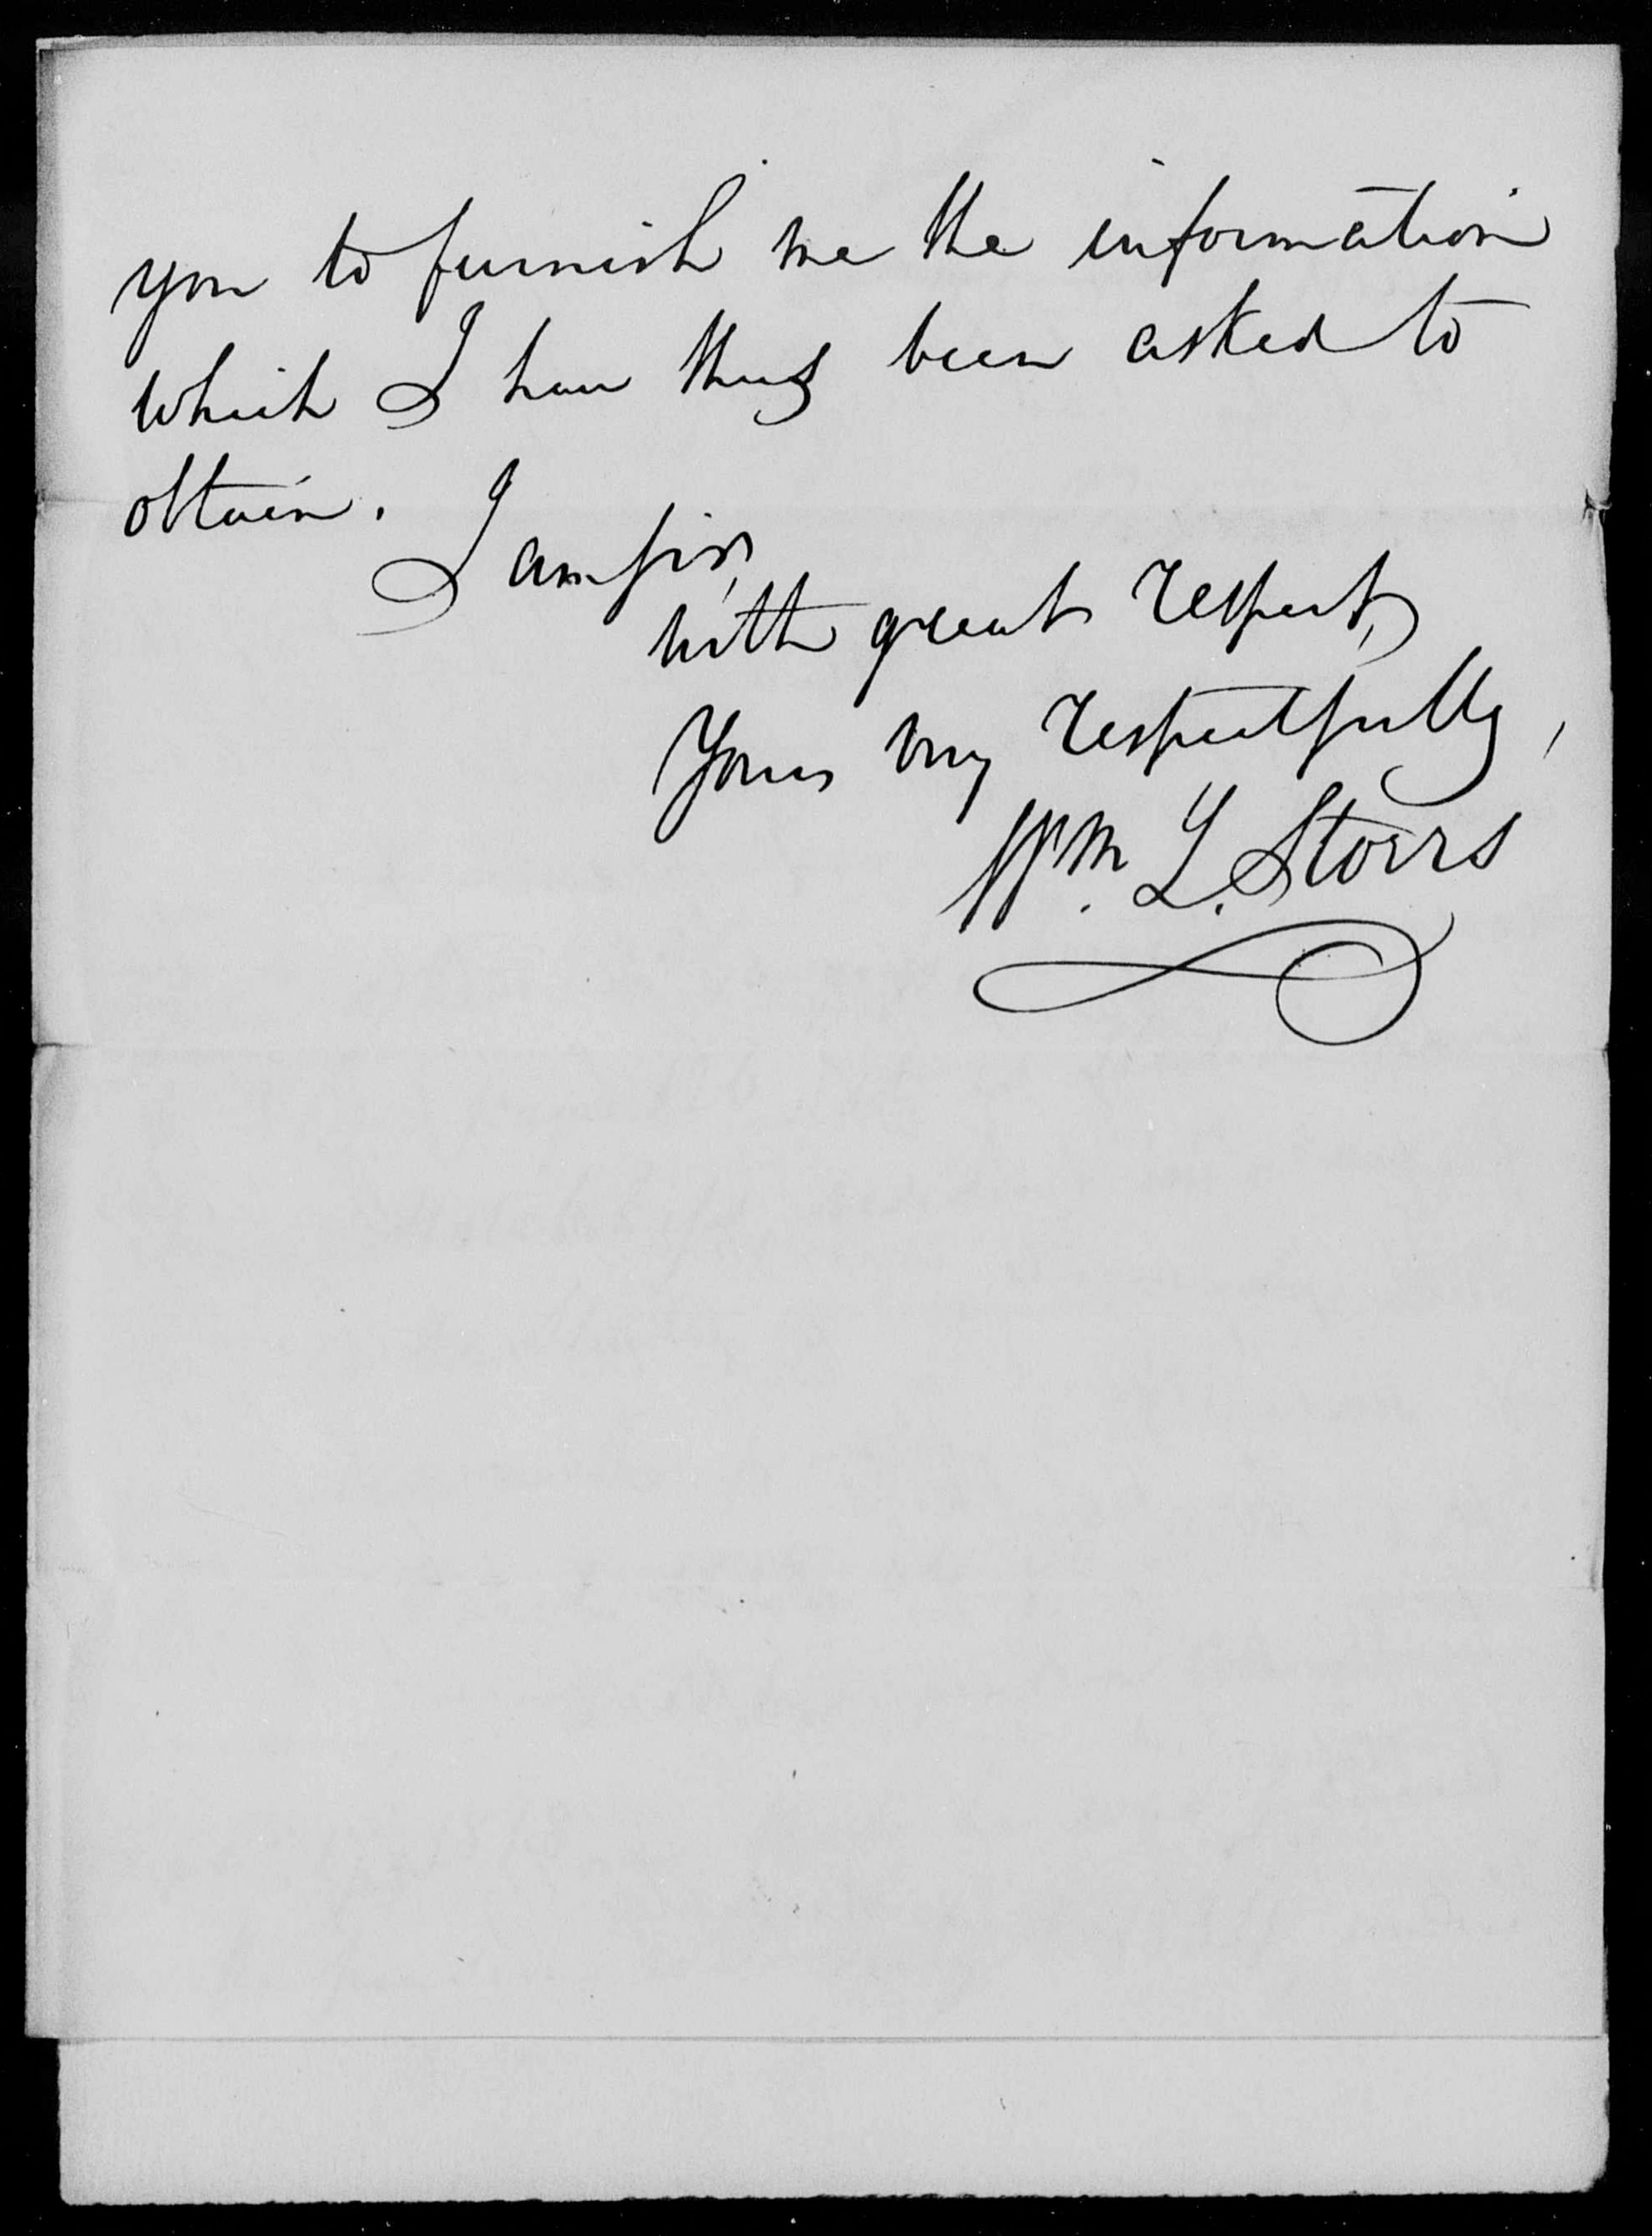you to furnish me the information which I have  thus been asked to obtain.
I {illegible} with great respect,
Yours very respectfully,
Wm. L. Storrs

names: Wm L Stoers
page: 22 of 25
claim: widow's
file: W. 18,021, Isaac Hotchkiss, Conn.